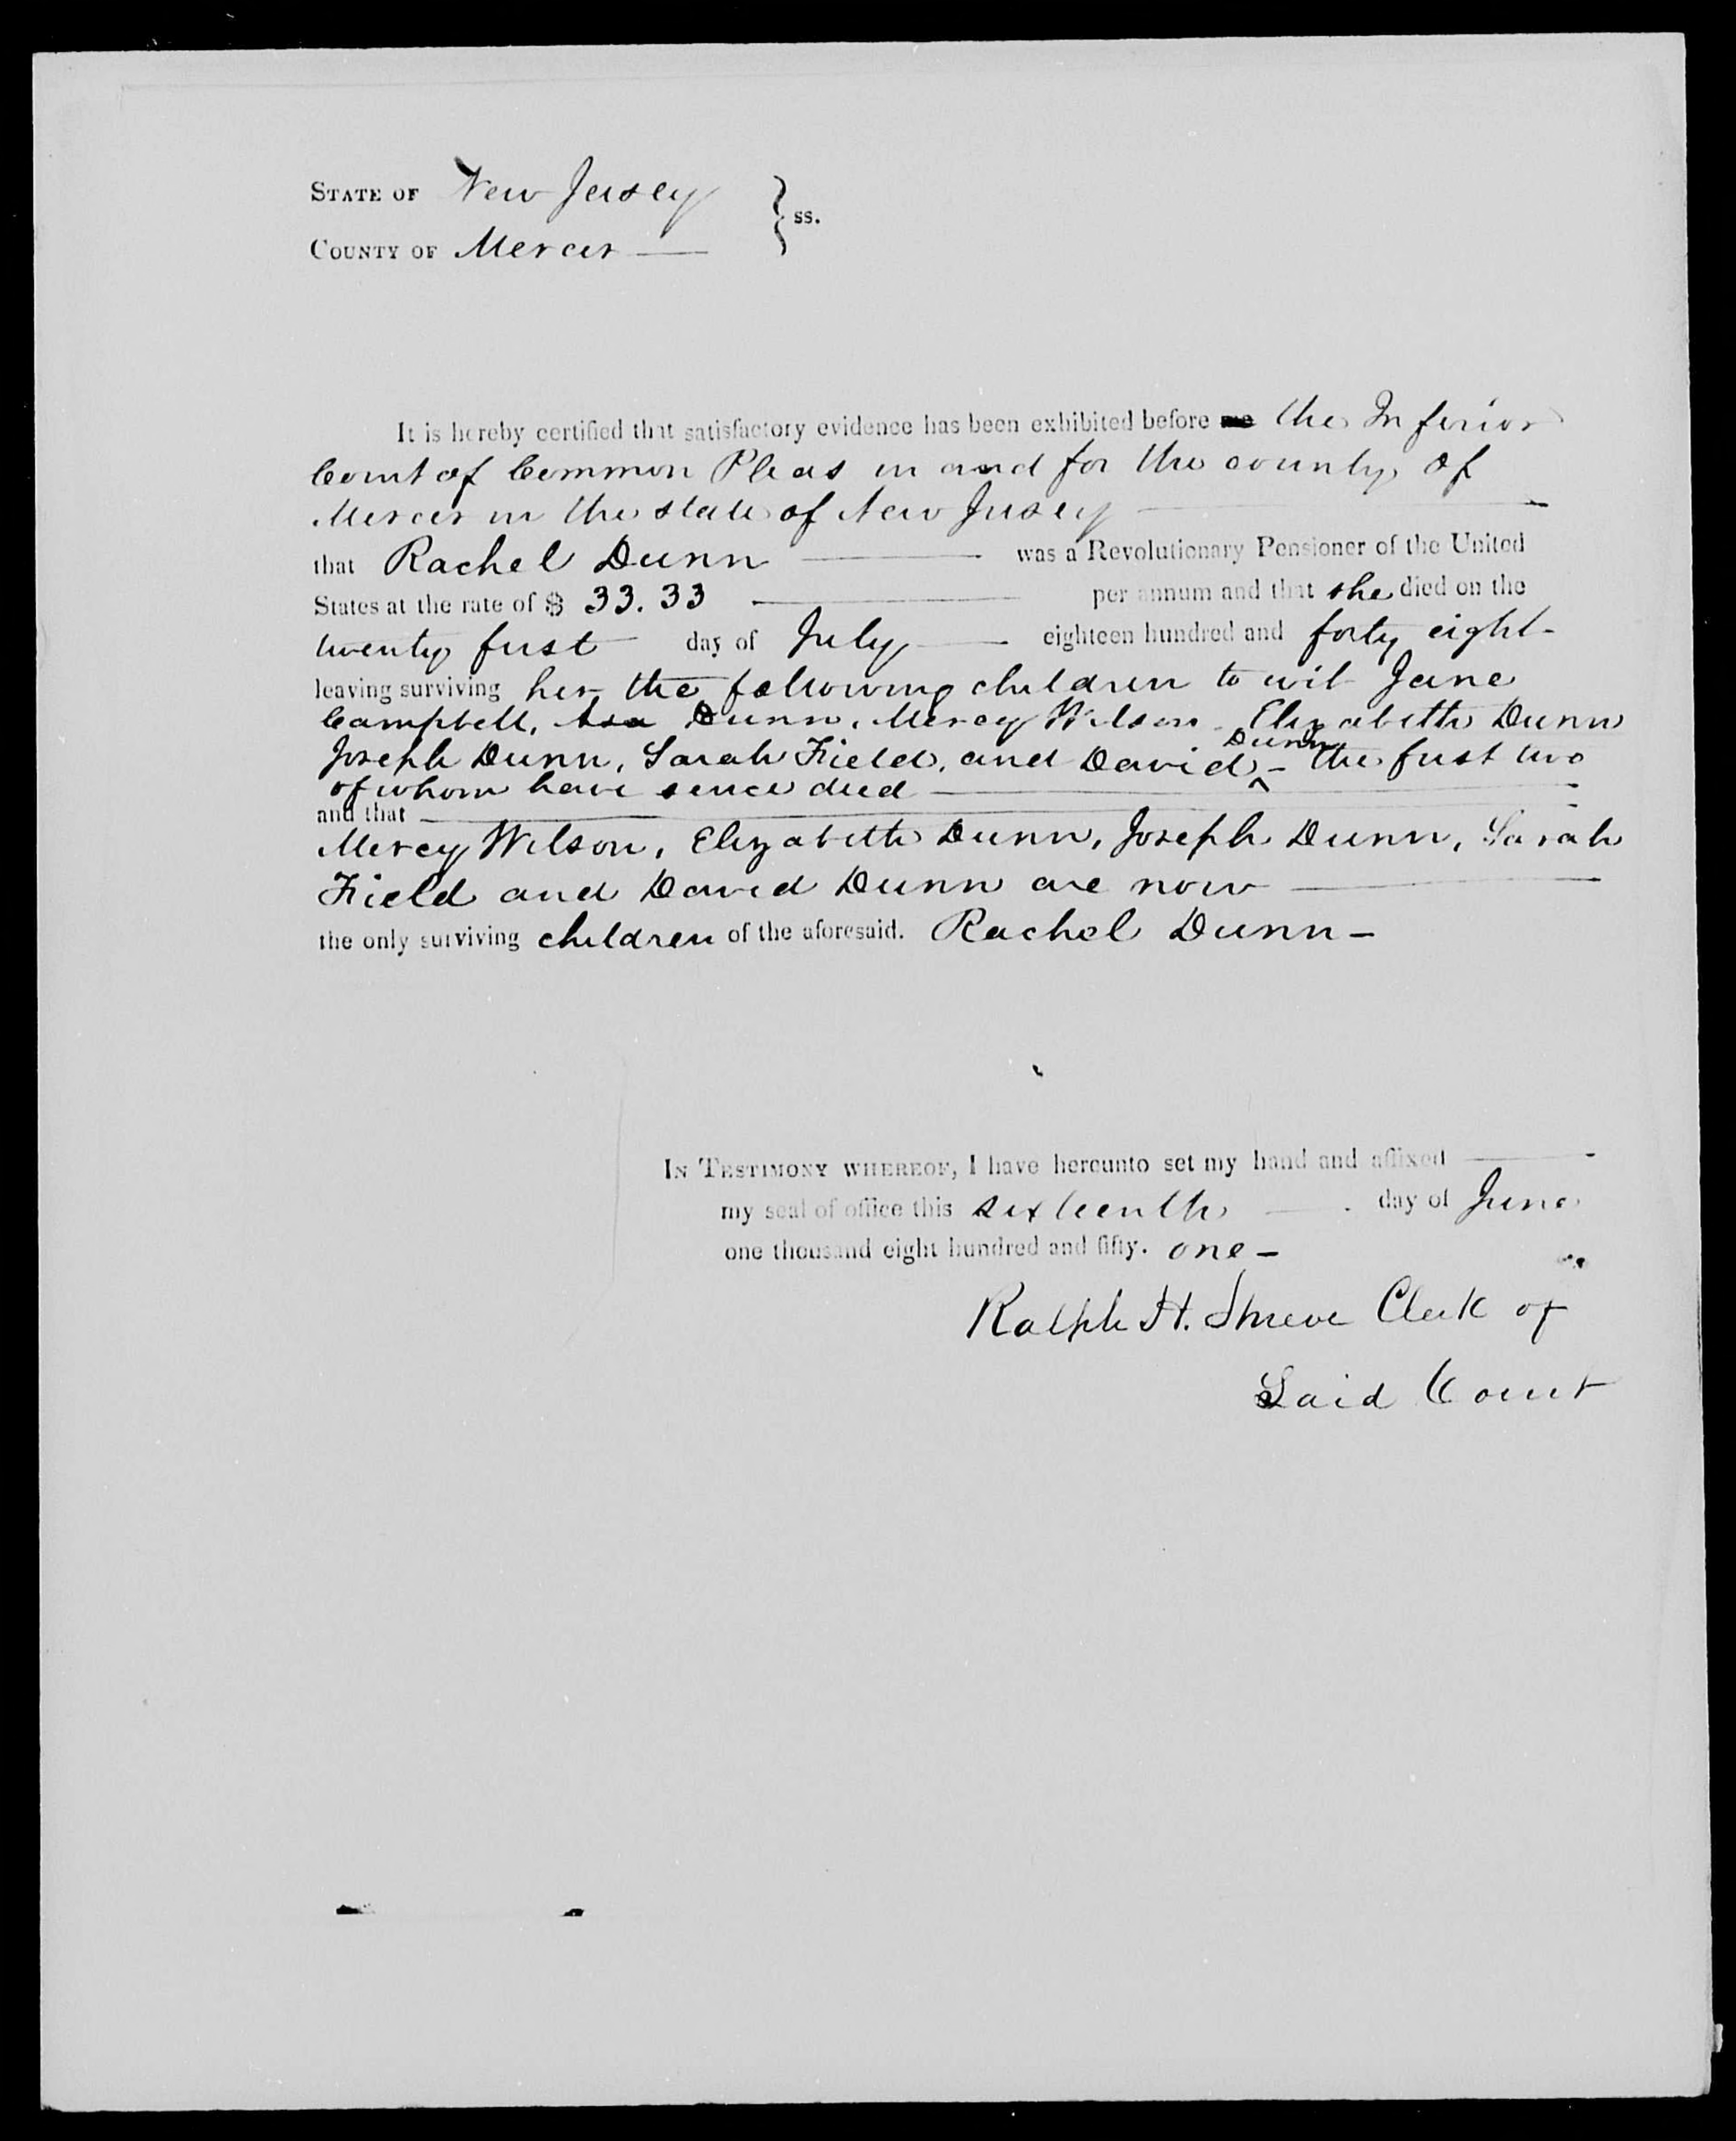STATE OF New Jersey}
COUNTY OF Mercer} SS.

It is hereby certified that satisfactory evidence has been exhibited before the Inferior
Court of Common Pleas in and for the County of
Mercer in the State of New Jersey
that Rachel Dunn
was a Revolutionary Pensioner of the United States
at the rate of $33.33
per annum and that she died on the
twenty first day of July
eighteen hundred and forty eight
leaving surviving her the following children to wit June
Campbell, Asa Dunn, Mercy Wilson, Elizabeth Dunn,
Joseph Dunn, Sarah Field, and David 
Dunn--the first two
of whom have since died--and that
Mercy Wilson, Elizabeth Dunn, Joseph Dunn, Sarah
Field and David Dunn are now
the only surviving children of the aforesaid Rachel Dunn
-
IN TESTIMONY WHEREOF, I have hereunto set my hand and affixed
my seal of office this sixteenth
day of June
one thousand eight hundred and fifty one

Ralph H Shreve Clerk of
Said Court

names: Jane Campbell, Sarah Field, David Dunn, Mercy Wilson, Sarah Field, Asa Dunn, Rachel Dunn, Rachel Dunn, Ralph H Shreve, Elizabeth Dunn, Mercy Wilson, David Dunn, Elizabeth Dunn, Joseph Dunn, Joseph Dunn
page: 22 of 52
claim: widow's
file: W. 919, Joel Dunn, New Jersey